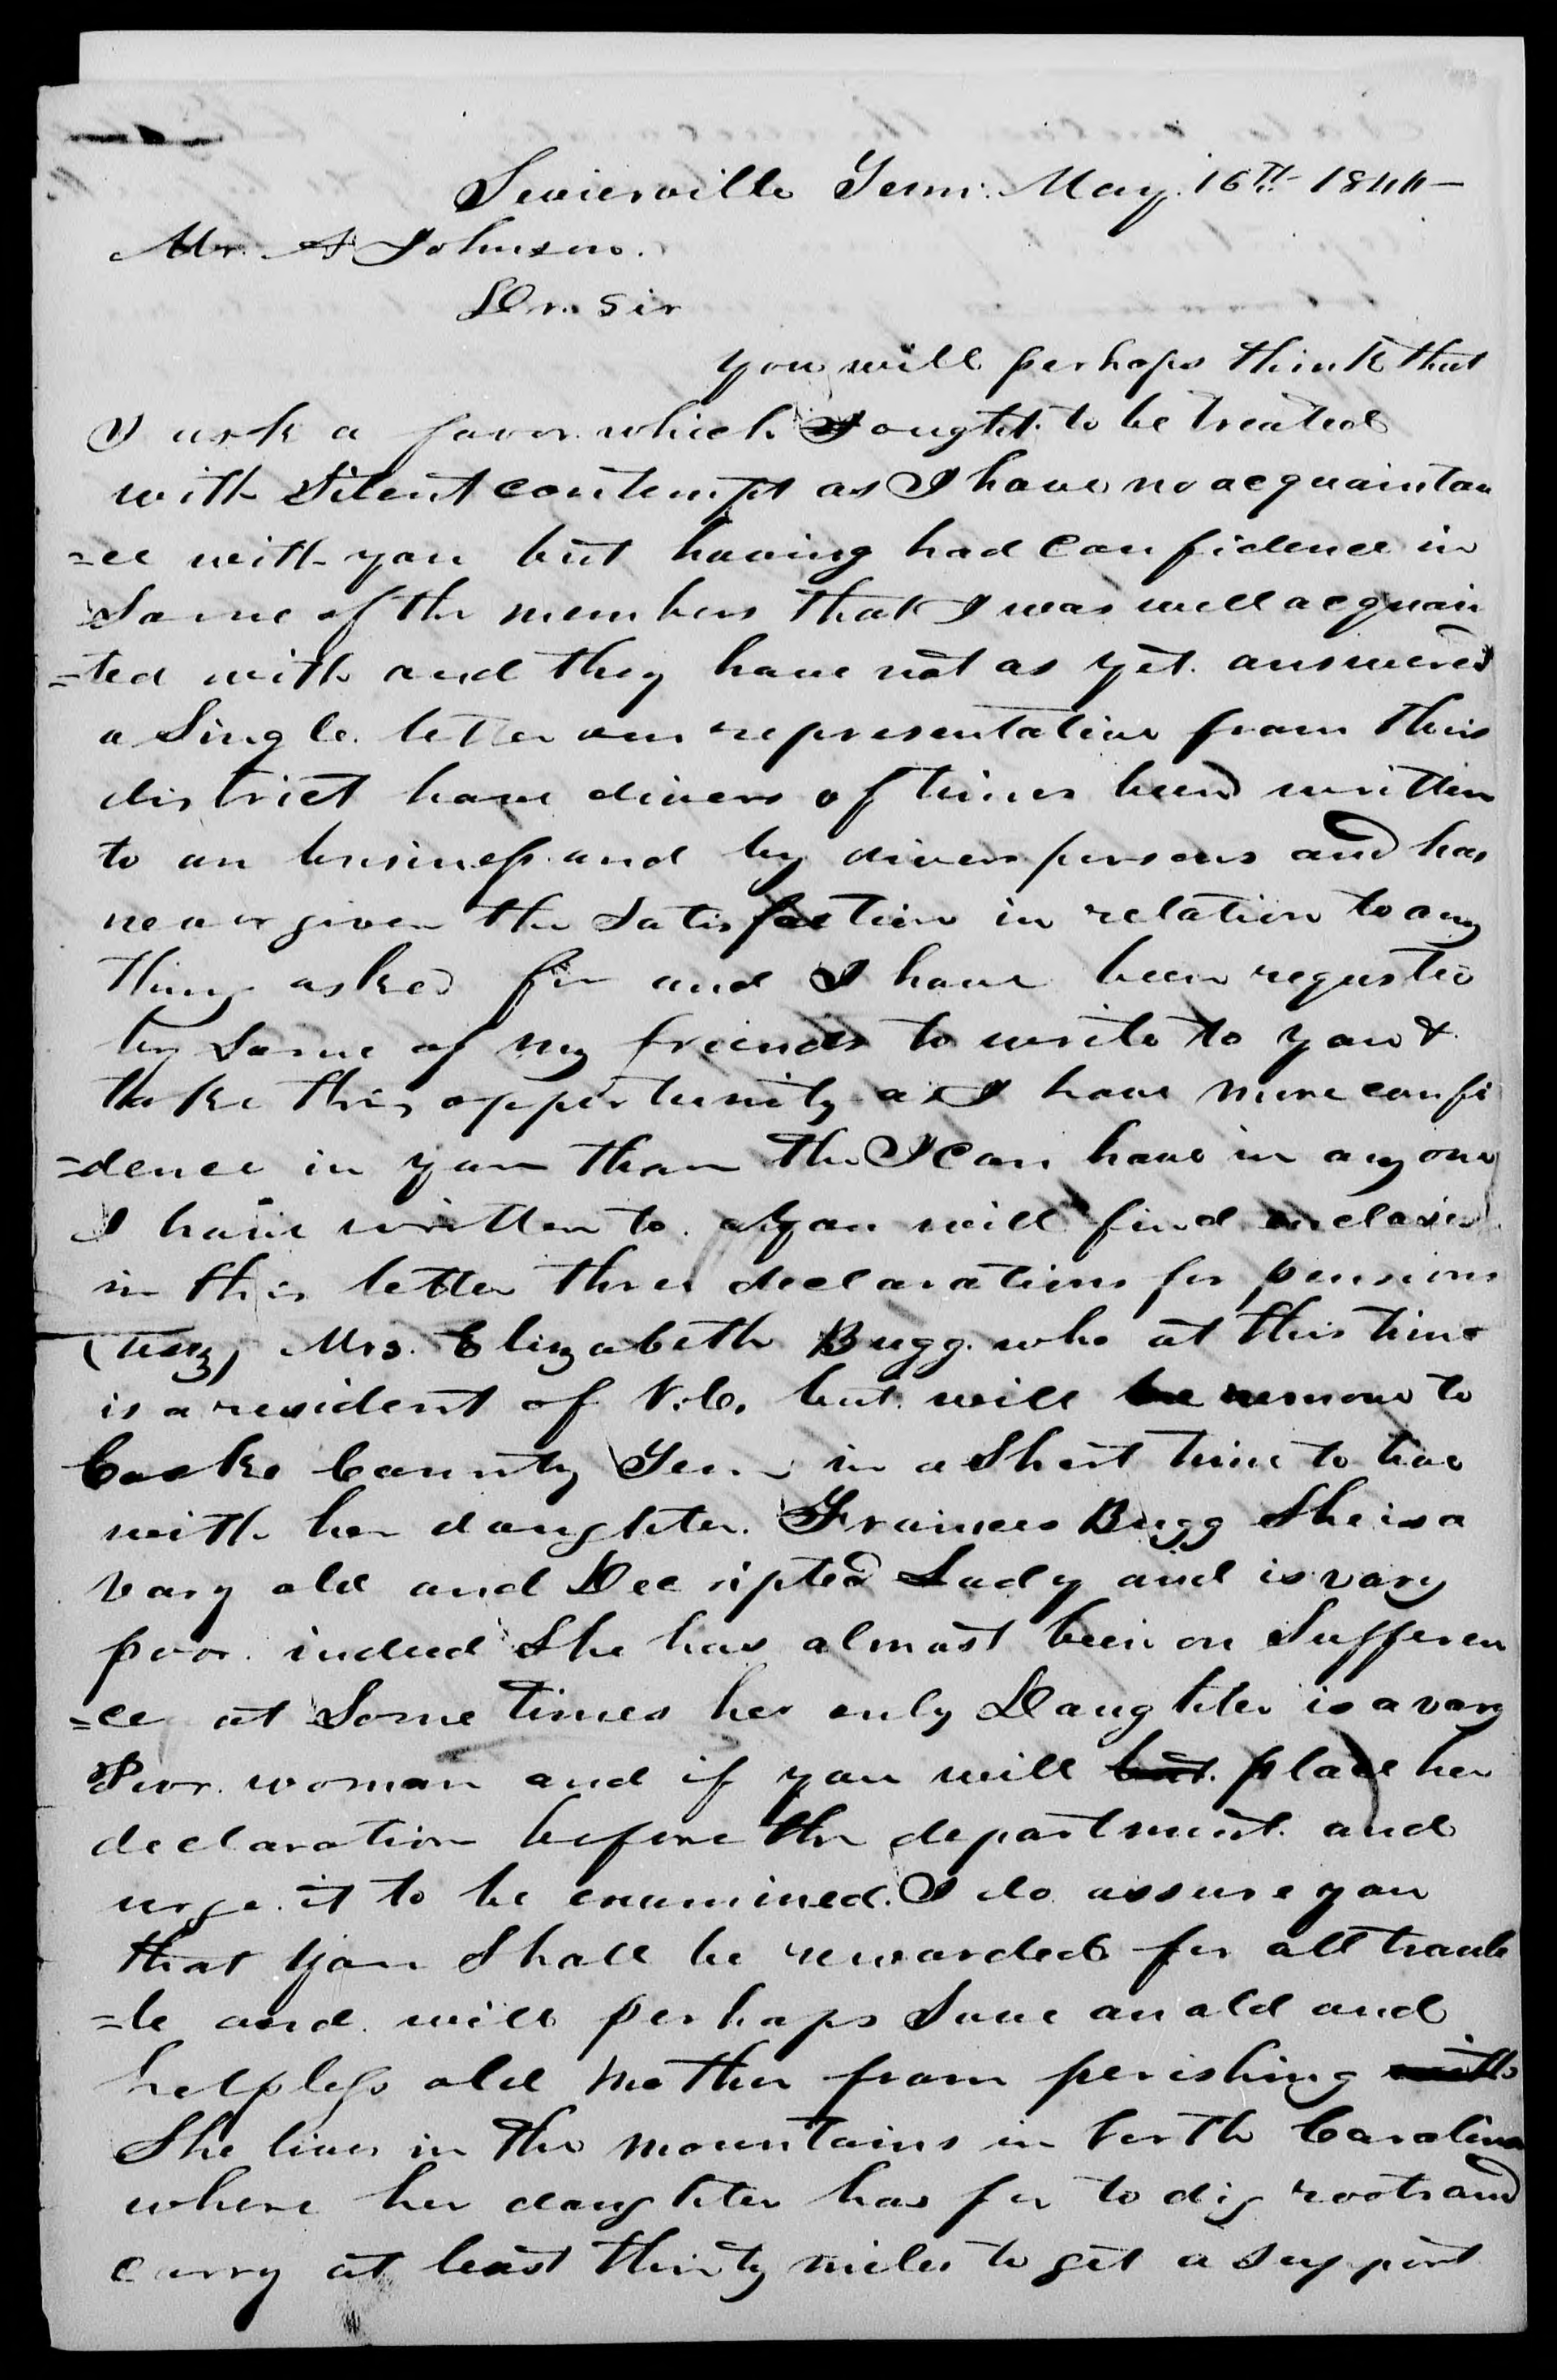Sevierville Tenn: May 16th 1846-
Mr. A Johnsen 
Dr. sir

You will perhaps think that I ask a favor. which I ought. to be treated with Silent contempt as I have no acquaintance with you but having had Confidence in Some [or Same] of the members that I was well acquainted with and they have not as yet. answered a Single. letter   our representative from this district have divers of times been written to on business and by divers persons and has never given the Satisfaction in relation to any Thing asked fer 

[Occasional spacing has been added to make the text easier to read.]

and I have been requsted by Some of my freinds [or friends] to write to you &. take this oppertunity a [or as] I have more confidence in you than the i can have in any one I have written to.

you will find enclosed in this letter three declaratiens fer pensions (viz) Mrs. Elizabeth Bugg. who at this time is a resident of N.C. but will [here the word "be" is crossed out] remove to Cocke County Tenn in a Short time to live with her daughter. Frainces Bugg  She is a vary old and Decripted Lady and is vary poor. indeed She has almost been on Sufference at Some times   her only Daughter is a vary Poor. woman and if you will [here the word "but." was crossed out] place her declaration befere the department. and urge. it to be examined. I do assure you that you Shall be rewarded fer all trouble and will perhaps Save an old and helpless old Mother from perishing [illegible crossed out word]  She lives in the mountains in Nerth [North] Carolina where her daughter has fer to dig roots and carry at least thirty miles to get a Support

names: Frainces Bugg, Elizabeth Bugg, A Johnson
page: 36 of 50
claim: widow's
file: W. 898, William Bugg, N.C.